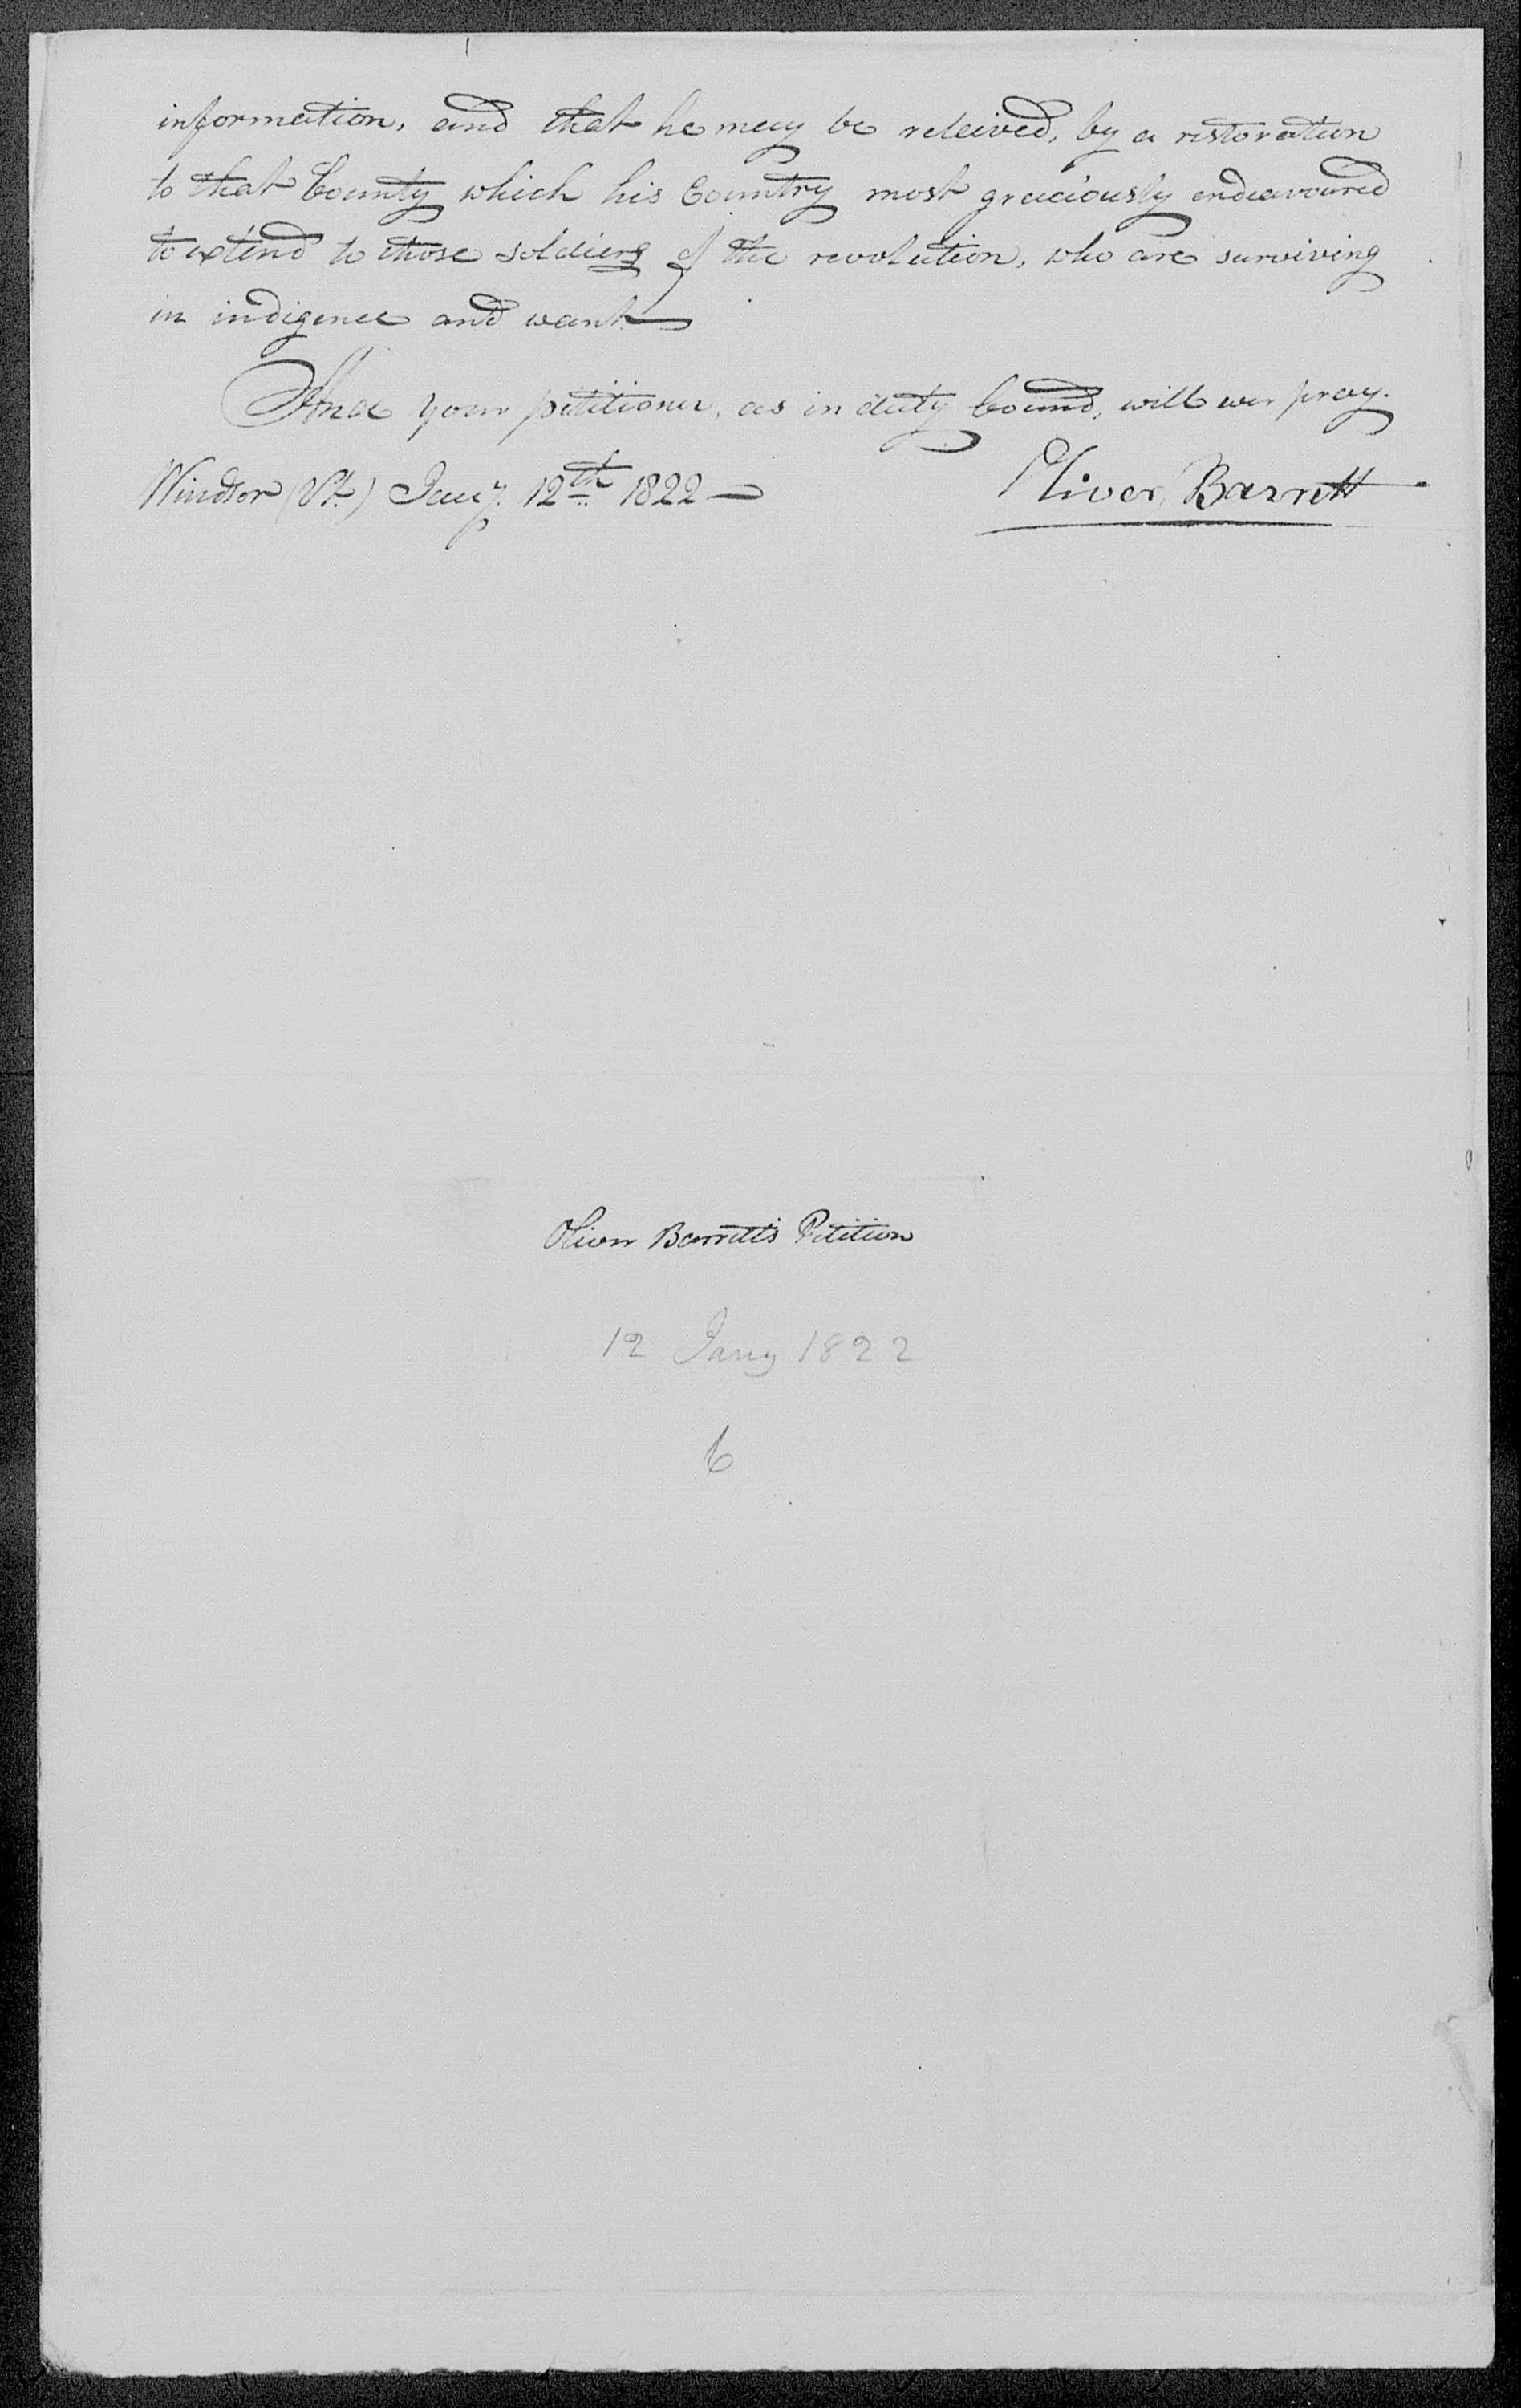information, and that he may be relieved, by a restoration to that bounty, which his Country most graciously endeavored to extend to those soldiers of the revolution, who are surviving in indigence and want. 
And your petitioner, as in duty bound will ever pray.
Windsor (VT) July 12th, 1822

Oliver Barrett

Oliver Barrett's Petition

12 July 1822
6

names: Oliver Barrett, Oliver Barrett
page: 36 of 83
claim: widow's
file: W. 10,384, Oliver Barrett, Continental (Vt.) N.Y.